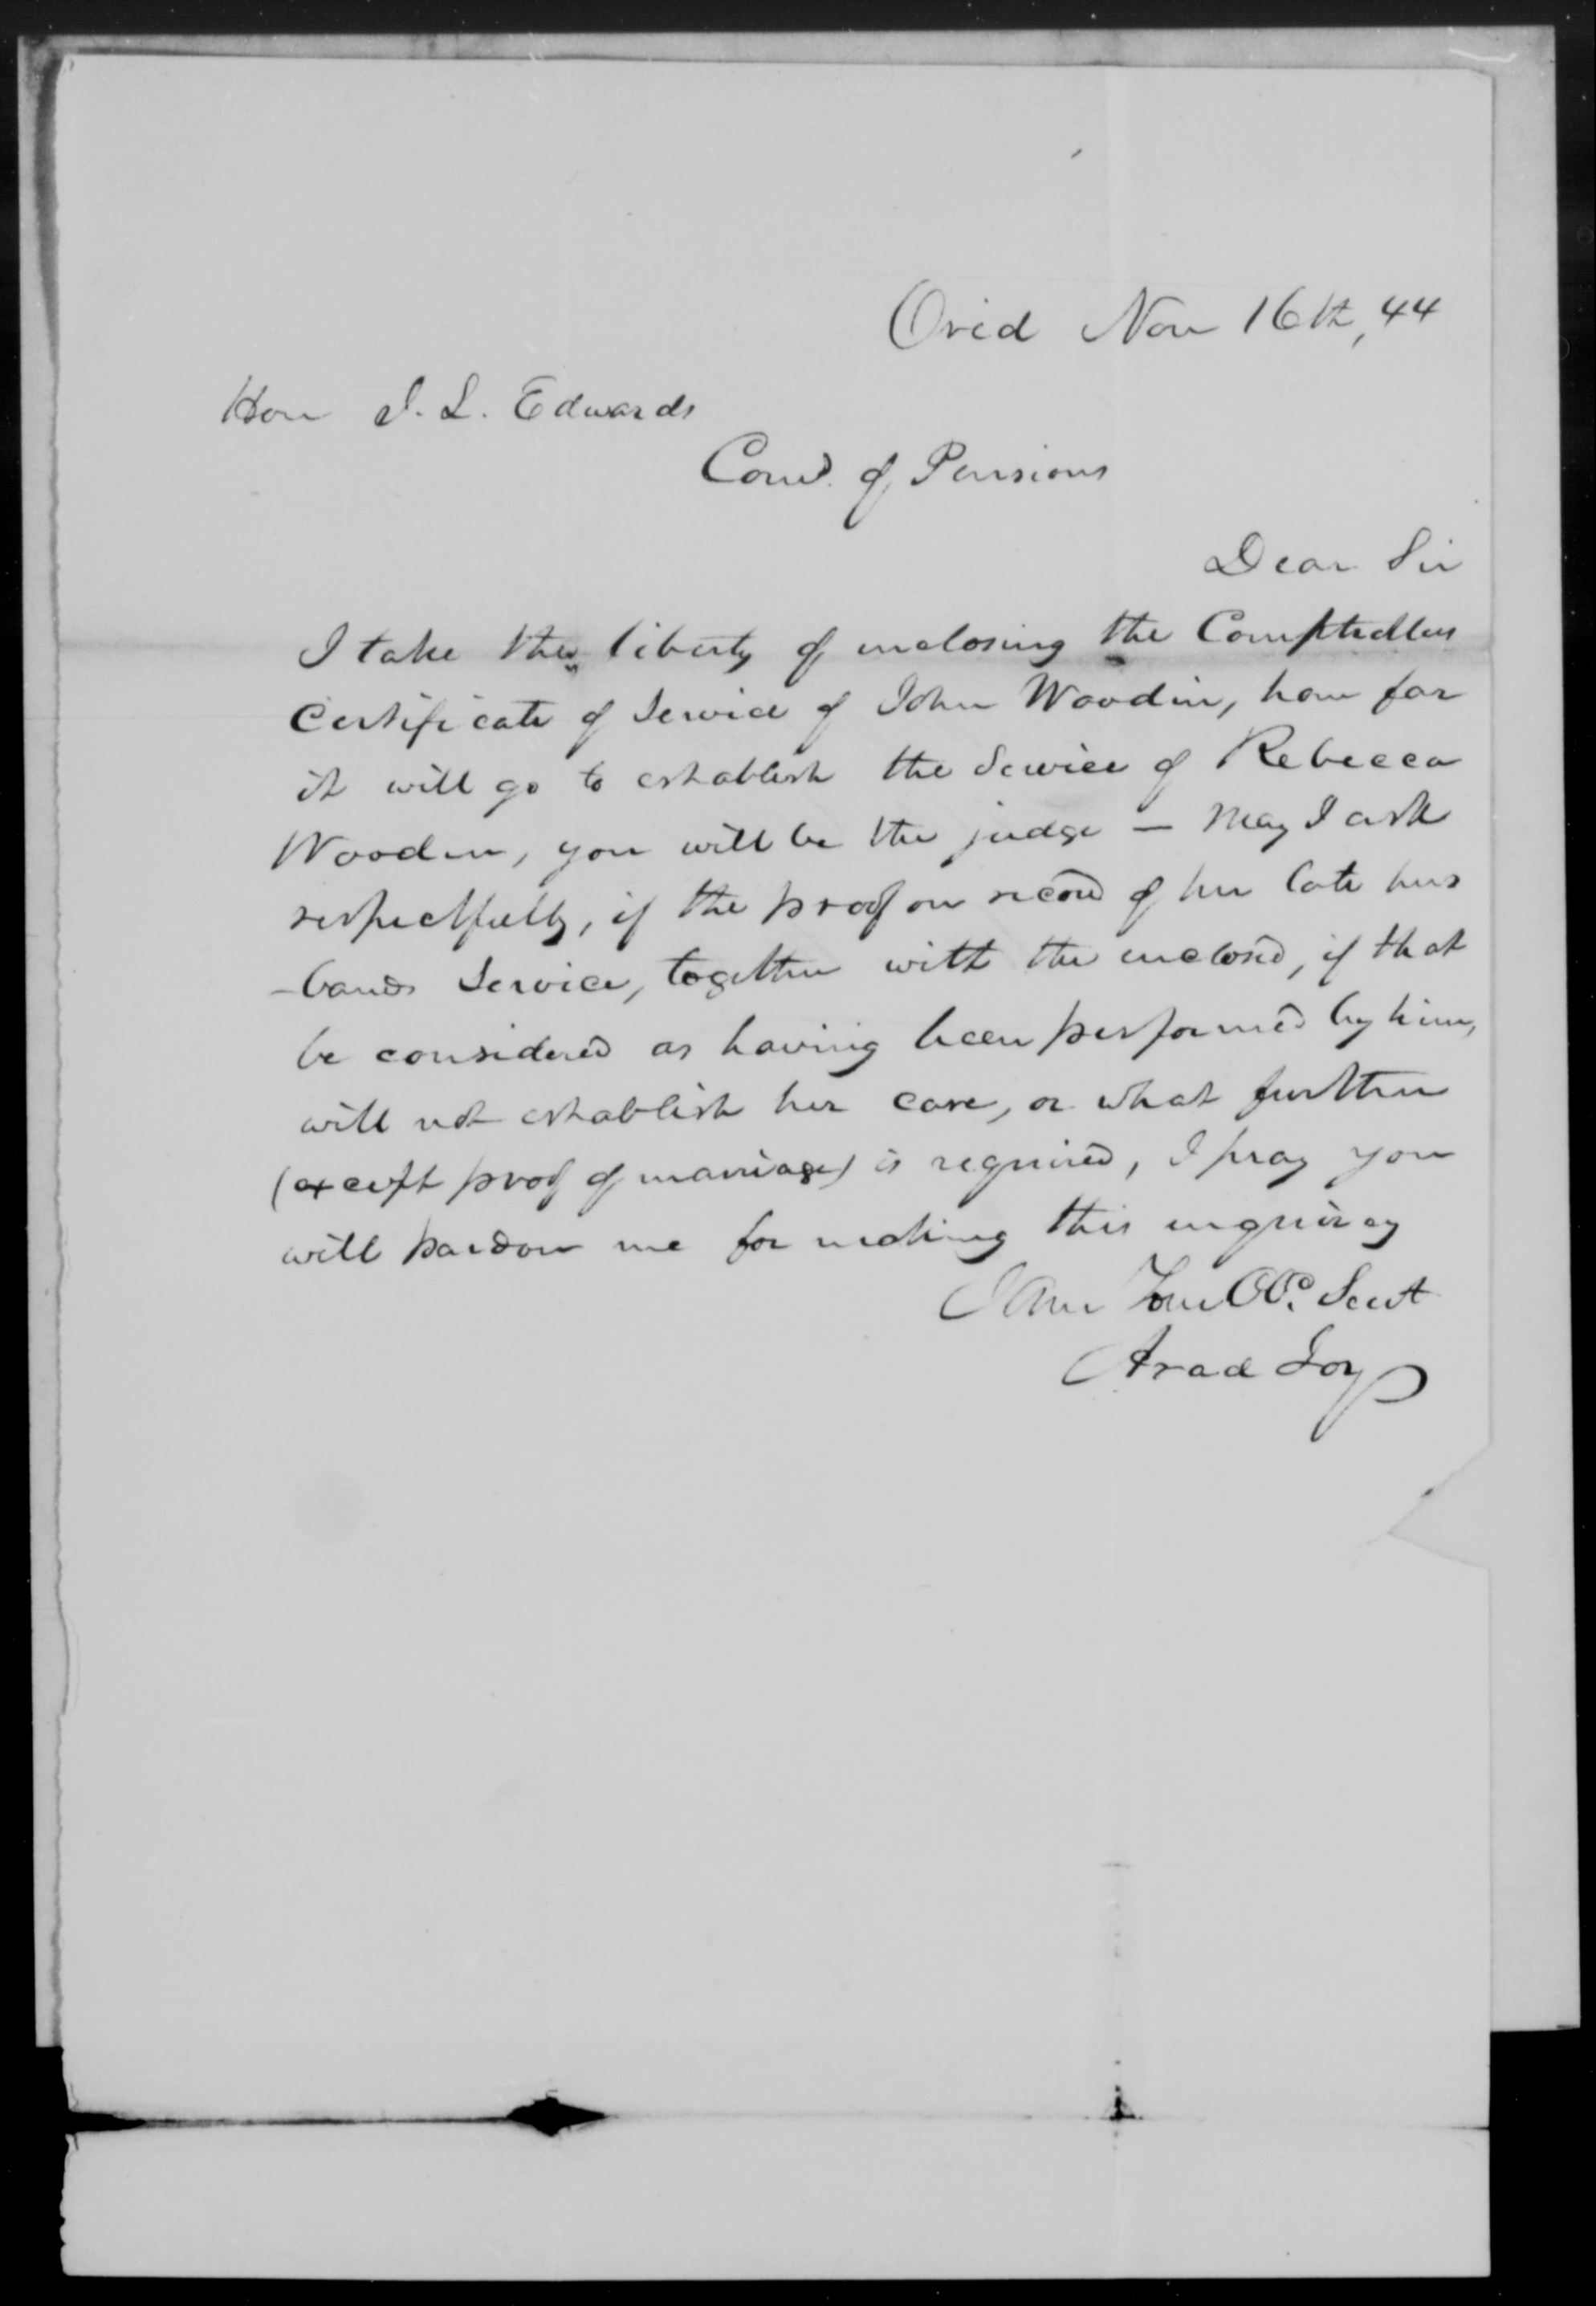Ovid Nov 16th, 44
Hon J.L. Edwards 
Comr of Pensions 
Dear Sir 
I take the liberty of enclosing the Comptrollers certificate of Service of John Woodin, how far it will go to establish the service of Rebecca Woodin, you will be the judge - May I ask respectfully, if the proof on record of her late husbands service, together with the enclosed, if that be considered as having been performed by him, will not establish her case, or what further (except proof of marriage) is required, I pray you will pardon me for making this inquiry 
I am Your Obt. Sert
Arad Joy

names: J L Edwards, John Woodin, Rebecca Wooden, Arad Joy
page: 63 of 77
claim: widow's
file: W. 19658, John Woodin, New York